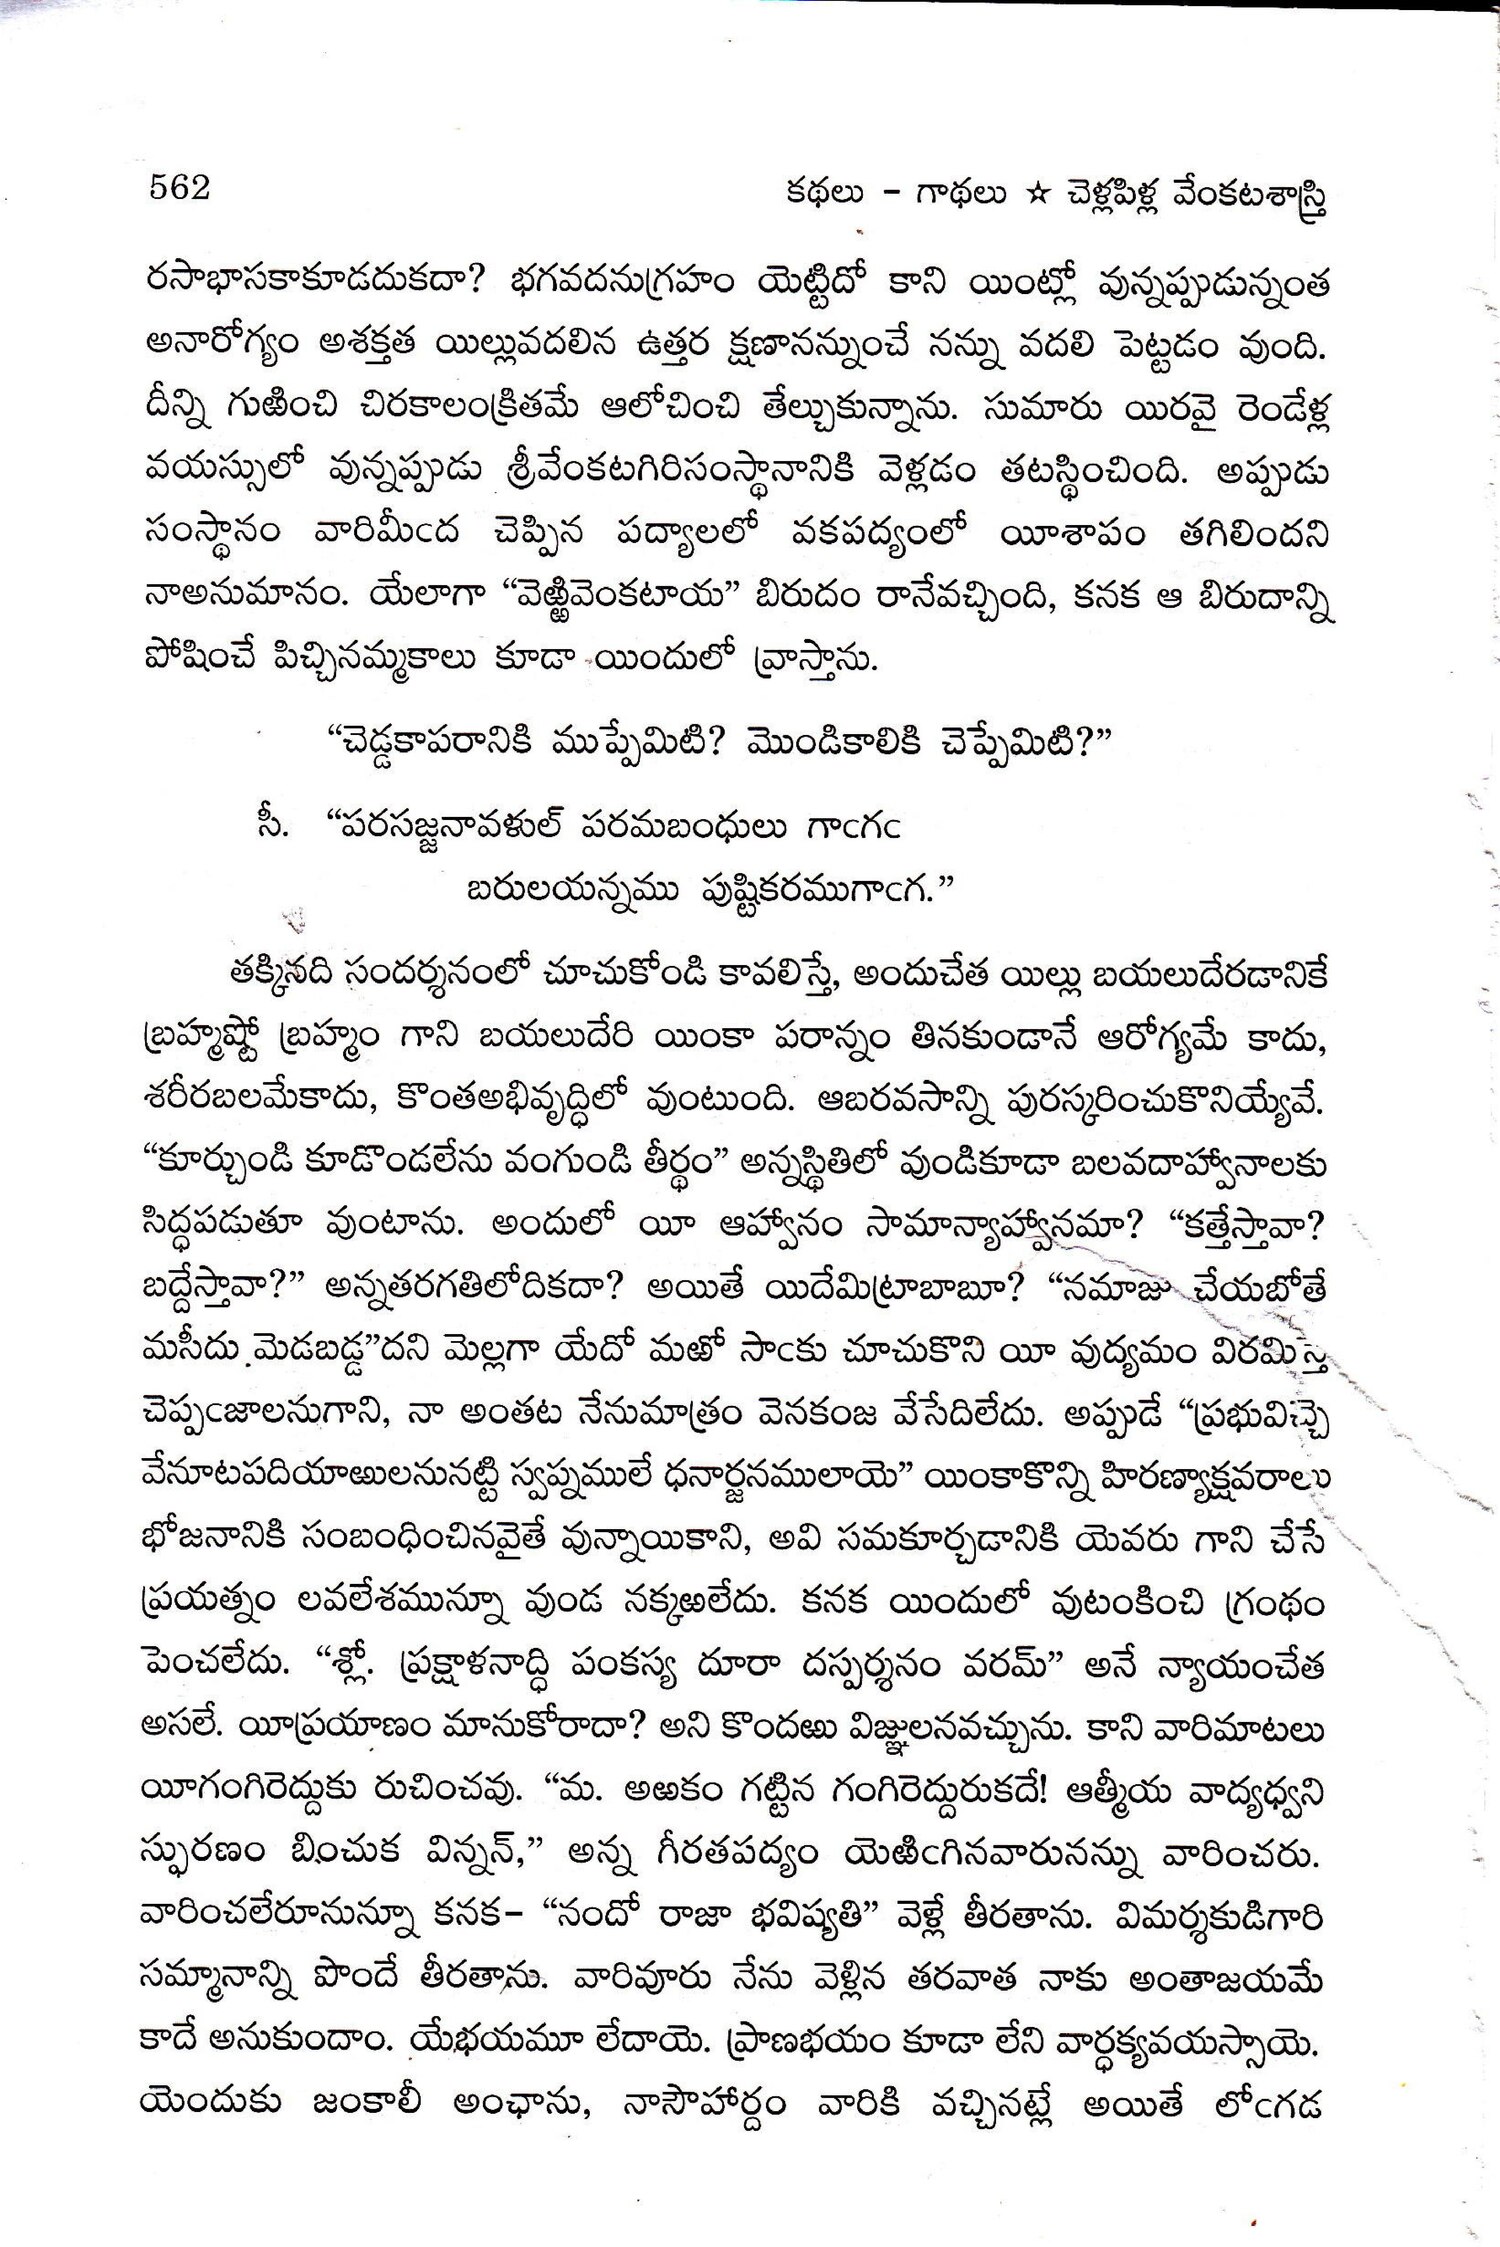రసాభాసకాకూడదుకదా? భగవదనుగ్రహం యెట్టిదో కాని యింట్లో వున్నప్పుడున్నంత అనారోగ్యం అశక్తత యిల్లువదలిన ఉత్తర క్షణానన్నుంచే నన్ను వదలి పెట్టడం వుంది. దీన్ని గుఱించి చిరకాలంక్రితమే ఆలోచించి తేల్చుకున్నాను. సుమారు యిరవై రెండేళ్ల వయస్సులో వున్నప్పుడు శ్రీవేంకటగిరిసంస్థానానికి వెళ్లడం తటస్థించింది. అప్పుడు సంస్థానం వారిమీఁద చెప్పిన పద్యాలలో వకపద్యంలో యీశాపం తగిలిందని నాఅనుమానం. యేలాగా "వెఱ్ఱివెంకటాయ" బిరుదం రానేవచ్చింది, కనక ఆ బిరుదాన్ని పోషించే పిచ్చినమ్మకాలు కూడా యిందులో వ్రాస్తాను.

"చెడ్డకాపరానికి ముప్పేమిటి? మొండికాలికి చెప్పేమిటి?"

సీ. “పరసజ్జనావళుల్ పరమబంధులు గాఁగఁ
 బరులయన్నము పుష్టికరముగాఁగ."
తక్కినది సందర్శనంలో చూచుకోండి కావలిస్తే, అందుచేత యిల్లు బయలుదేరడానికే బ్రహ్మష్టో బ్రహ్మం గాని బయలుదేరి యింకా పరాన్నం తినకుండానే ఆరోగ్యమే కాదు, శరీరబలమేకాదు, కొంతఅభివృద్ధిలో వుంటుంది. ఆబరవసాన్ని పురస్కరించుకొనియ్యేవే. “కూర్చుండి కూడొండలేను వంగుండి తీర్థం" అన్నస్థితిలో వుండికూడా బలవదాహ్వానాలకు సిద్ధపడుతూ వుంటాను. అందులో యీ ఆహ్వానం సామాన్యాహ్వానమా? "కత్తేస్తావా? బద్దేస్తావా?" అన్నతరగతిలోదికదా? అయితే యిదేమిట్రాబాబూ? "నమాజు చేయబోతే మసీదు మెడబడ్డ"దని మెల్లగా యేదో మఱో సాఁకు చూచుకొని యీ వుద్యమం విరమిస్తే చెప్పఁజాలనుగాని, నా అంతట నేనుమాత్రం వెనకంజ వేసేదిలేదు. అప్పుడే “ప్రభువిచ్చె వేనూటపదియాఱులనునట్టి స్వప్నములే ధనార్జనములాయె" యింకాకొన్నిహిరణ్యాక్షవరాలు భోజనానికి సంబంధించినవైతే వున్నాయికాని, అవి సమకూర్చడానికి యెవరు గాని చేసే ప్రయత్నం లవలేశమున్నూ వుండ నక్కఱలేదు. కనక యిందులో వుటంకించి గ్రంథం పెంచలేదు. "శ్లో. ప్రక్షాళనాధ్ధి పంకస్య దూరా దస్పర్శనం వరమ్” అనే న్యాయంచేత అసలే, యీప్రయాణం మానుకోరాదా? అని కొందఱు విజ్ఞులనవచ్చును. కాని వారిమాటలు యీగంగిరెద్దుకు రుచించవు. “మ. అఱకం గట్టిన గంగిరెద్దురుకదే! ఆత్మీయ వాద్యధ్వని స్ఫురణం బించుక విన్నన్,” అన్న గీరతపద్యం యెఱిఁగినవారునన్ను వారించరు. వారించలేరూనున్నూ కనక- “నందో రాజా భవిష్యతి" వెళ్లే తీరతాను. విమర్శకుడిగారి సమ్మానాన్ని పొందే తీరతాను. వారివూరు నేను వెళ్లిన తరవాత నాకు అంతాజయమే కాదే అనుకుందాం. యేభయమూ లేదాయె. ప్రాణభయం కూడా లేని వార్ధక్యవయస్సాయె. యెందుకు జంకాలీ అంఛాను, నాసౌహార్దం వారికి వచ్చినట్లే అయితే లోఁగడ